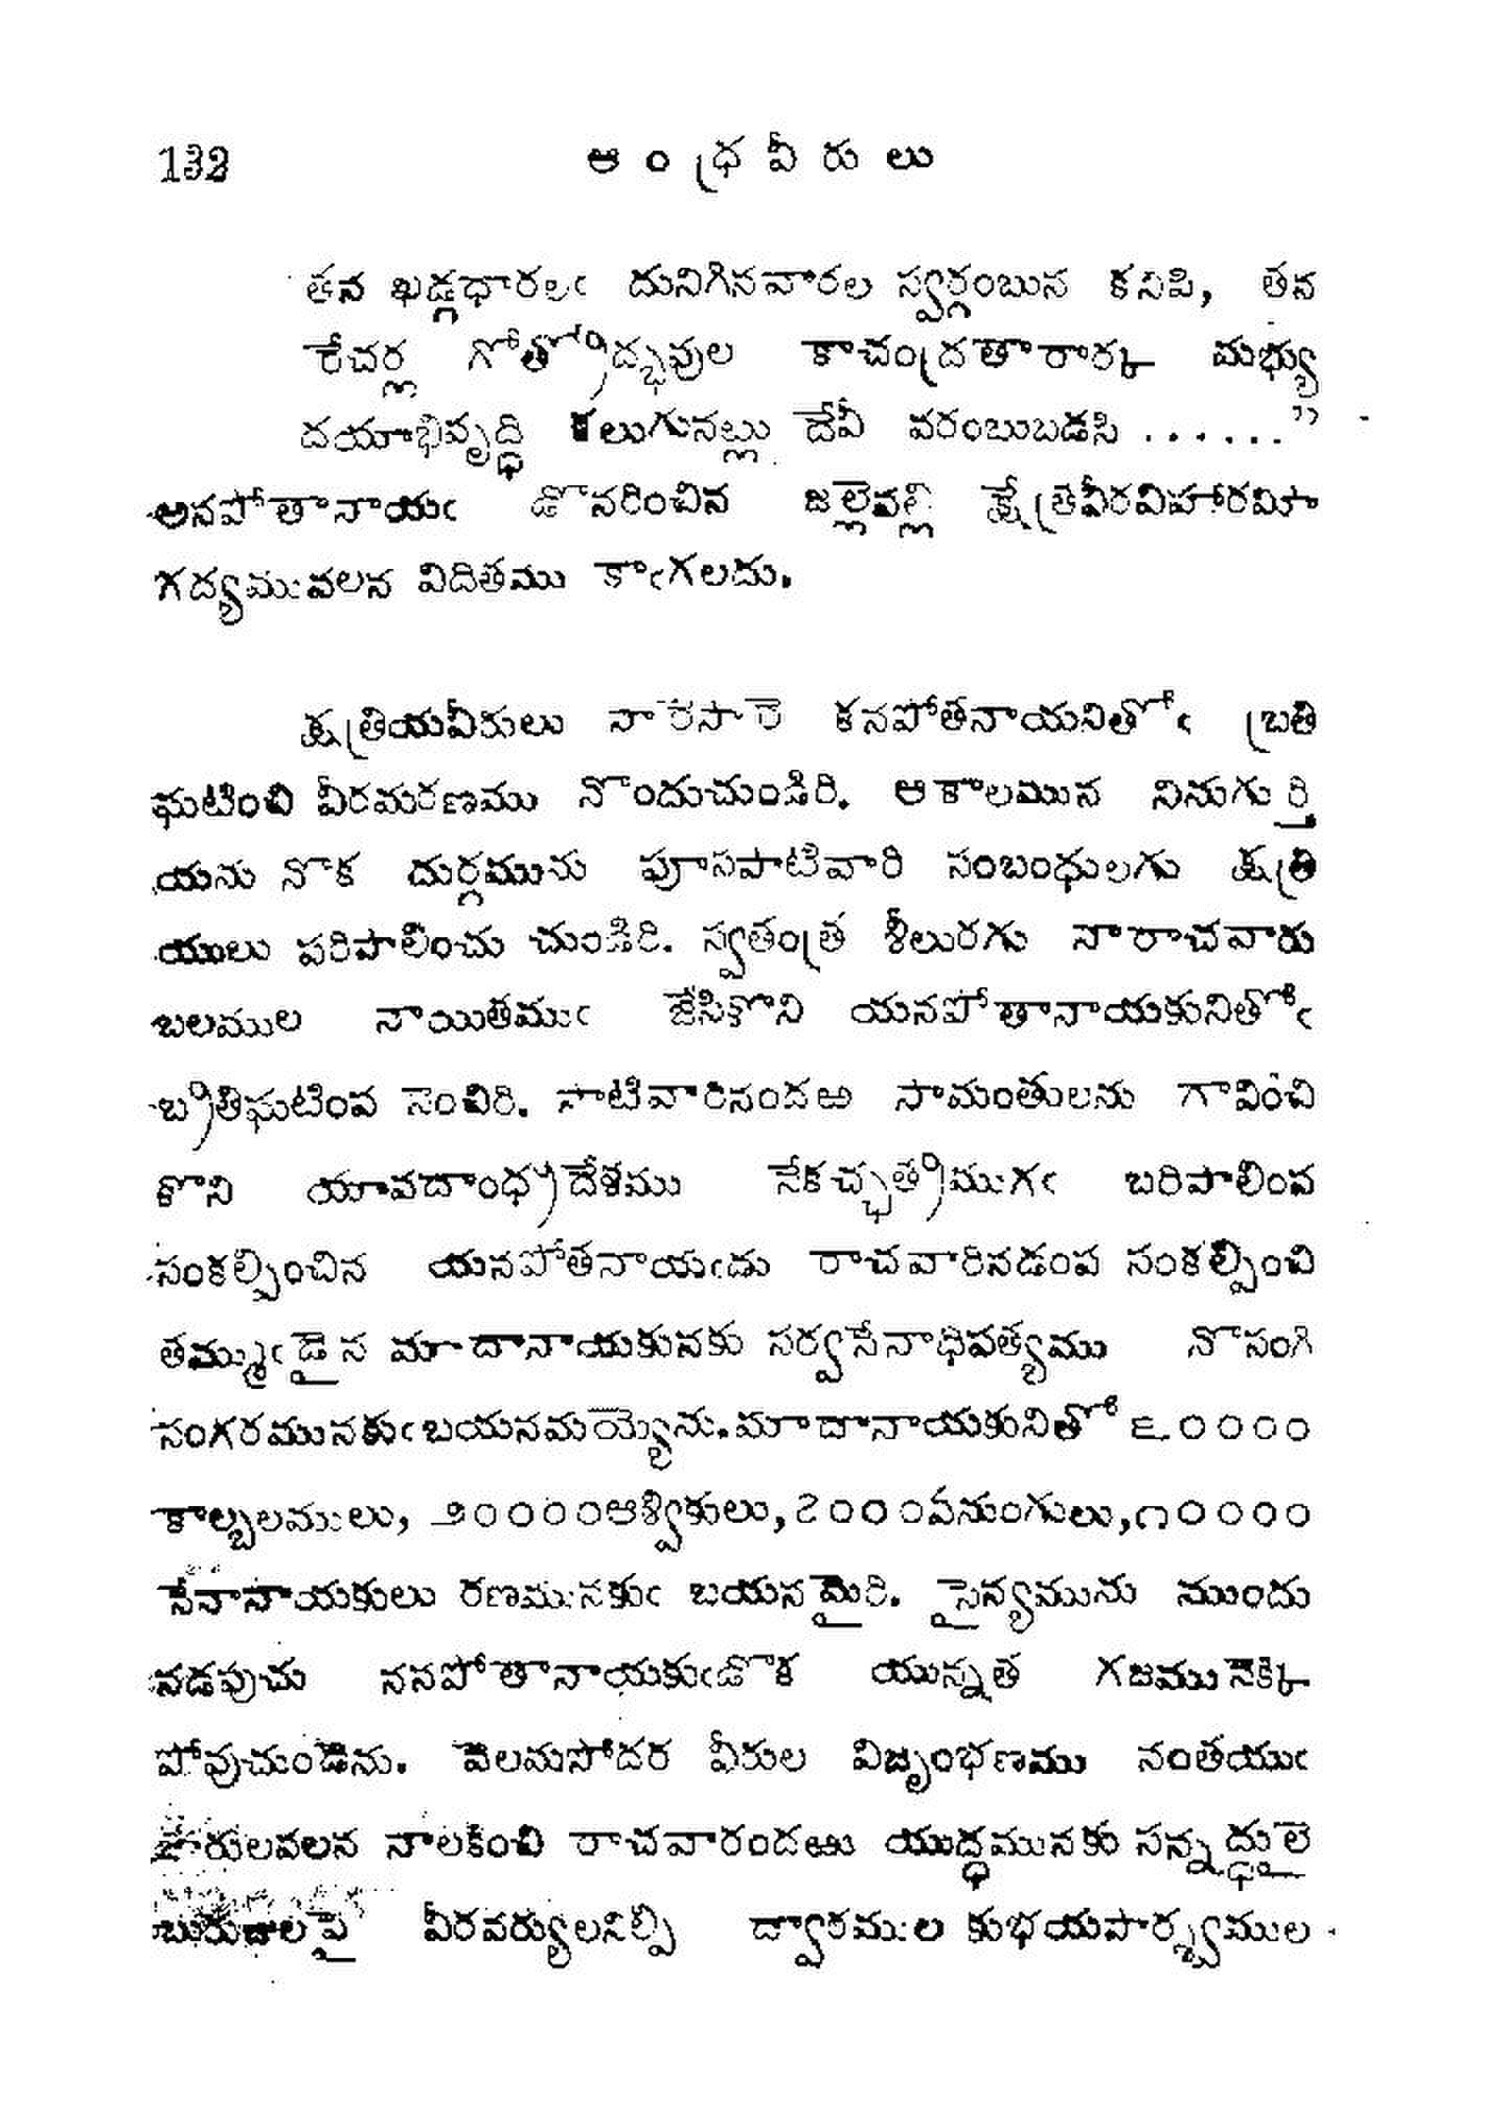తన ఖడ్గధారల దునిగినవారల స్వర్గంబున కనిపి, తన రేచర్ల గోత్రోద్భవుల కాచంద్రతారార్క మభ్యుదయాభివృద్ధి కలుగునట్లు దేవీ వరంబుబడసి ......" అనపోతానాయ డొనరించిన జల్లెపల్లి క్షేత్రవీరవిహార మీగద్యమువలన విదితము కాగలదు.

క్షత్రియవీరులు సారెసారె కనపోతనాయనితో బ్రతిఘటించి వీరమరణము నొందుచుండిరి. ఆకాలమున నినుగుర్తియను నొక దుర్గమును పూసపాటివారి సంబంధులగు క్షత్రియులు పరిపాలించు చుండిరి. స్వతంత్ర శీలురగు నారాచవారు బలముల నాయితము జేసికొని యనపోతానాయకునితో బ్రతిఘటింప నెంచిరి. నాటివారినందఱ సామంతులను గావించికొని యావదాంధ్రదేశము నేకచ్ఛత్రముగ బరిపాలింప సంకల్పించిన యనపోతనాయడు రాచవారినడంప సంకల్పించి తమ్ముడైన మాదానాయకునకు సర్వసేనాధిపత్యము నొసంగి సంగరమునకు బయనమయ్యెను. మాదానాయకునితో 60000 కాల్బలములు, 20000 ఆశ్వికులు, 7000 ఏనుగులు, 10000 సేనానాయకులు రణమునకు బయనమైరి. సైన్యమును ముందు నడపుచు ననపోతానాయకు డొక యున్నత గజమునెక్కి పోవుచుండెను. వెలమసోదర వీరుల విజృంభణము నంతయు జారులవలన నాలకించి రాచవారందఱు యుద్ధమునకు సన్నద్ధులై బురుజులపై వీరవర్యులనిల్పి ద్వారముల కుభయపార్శ్వముల